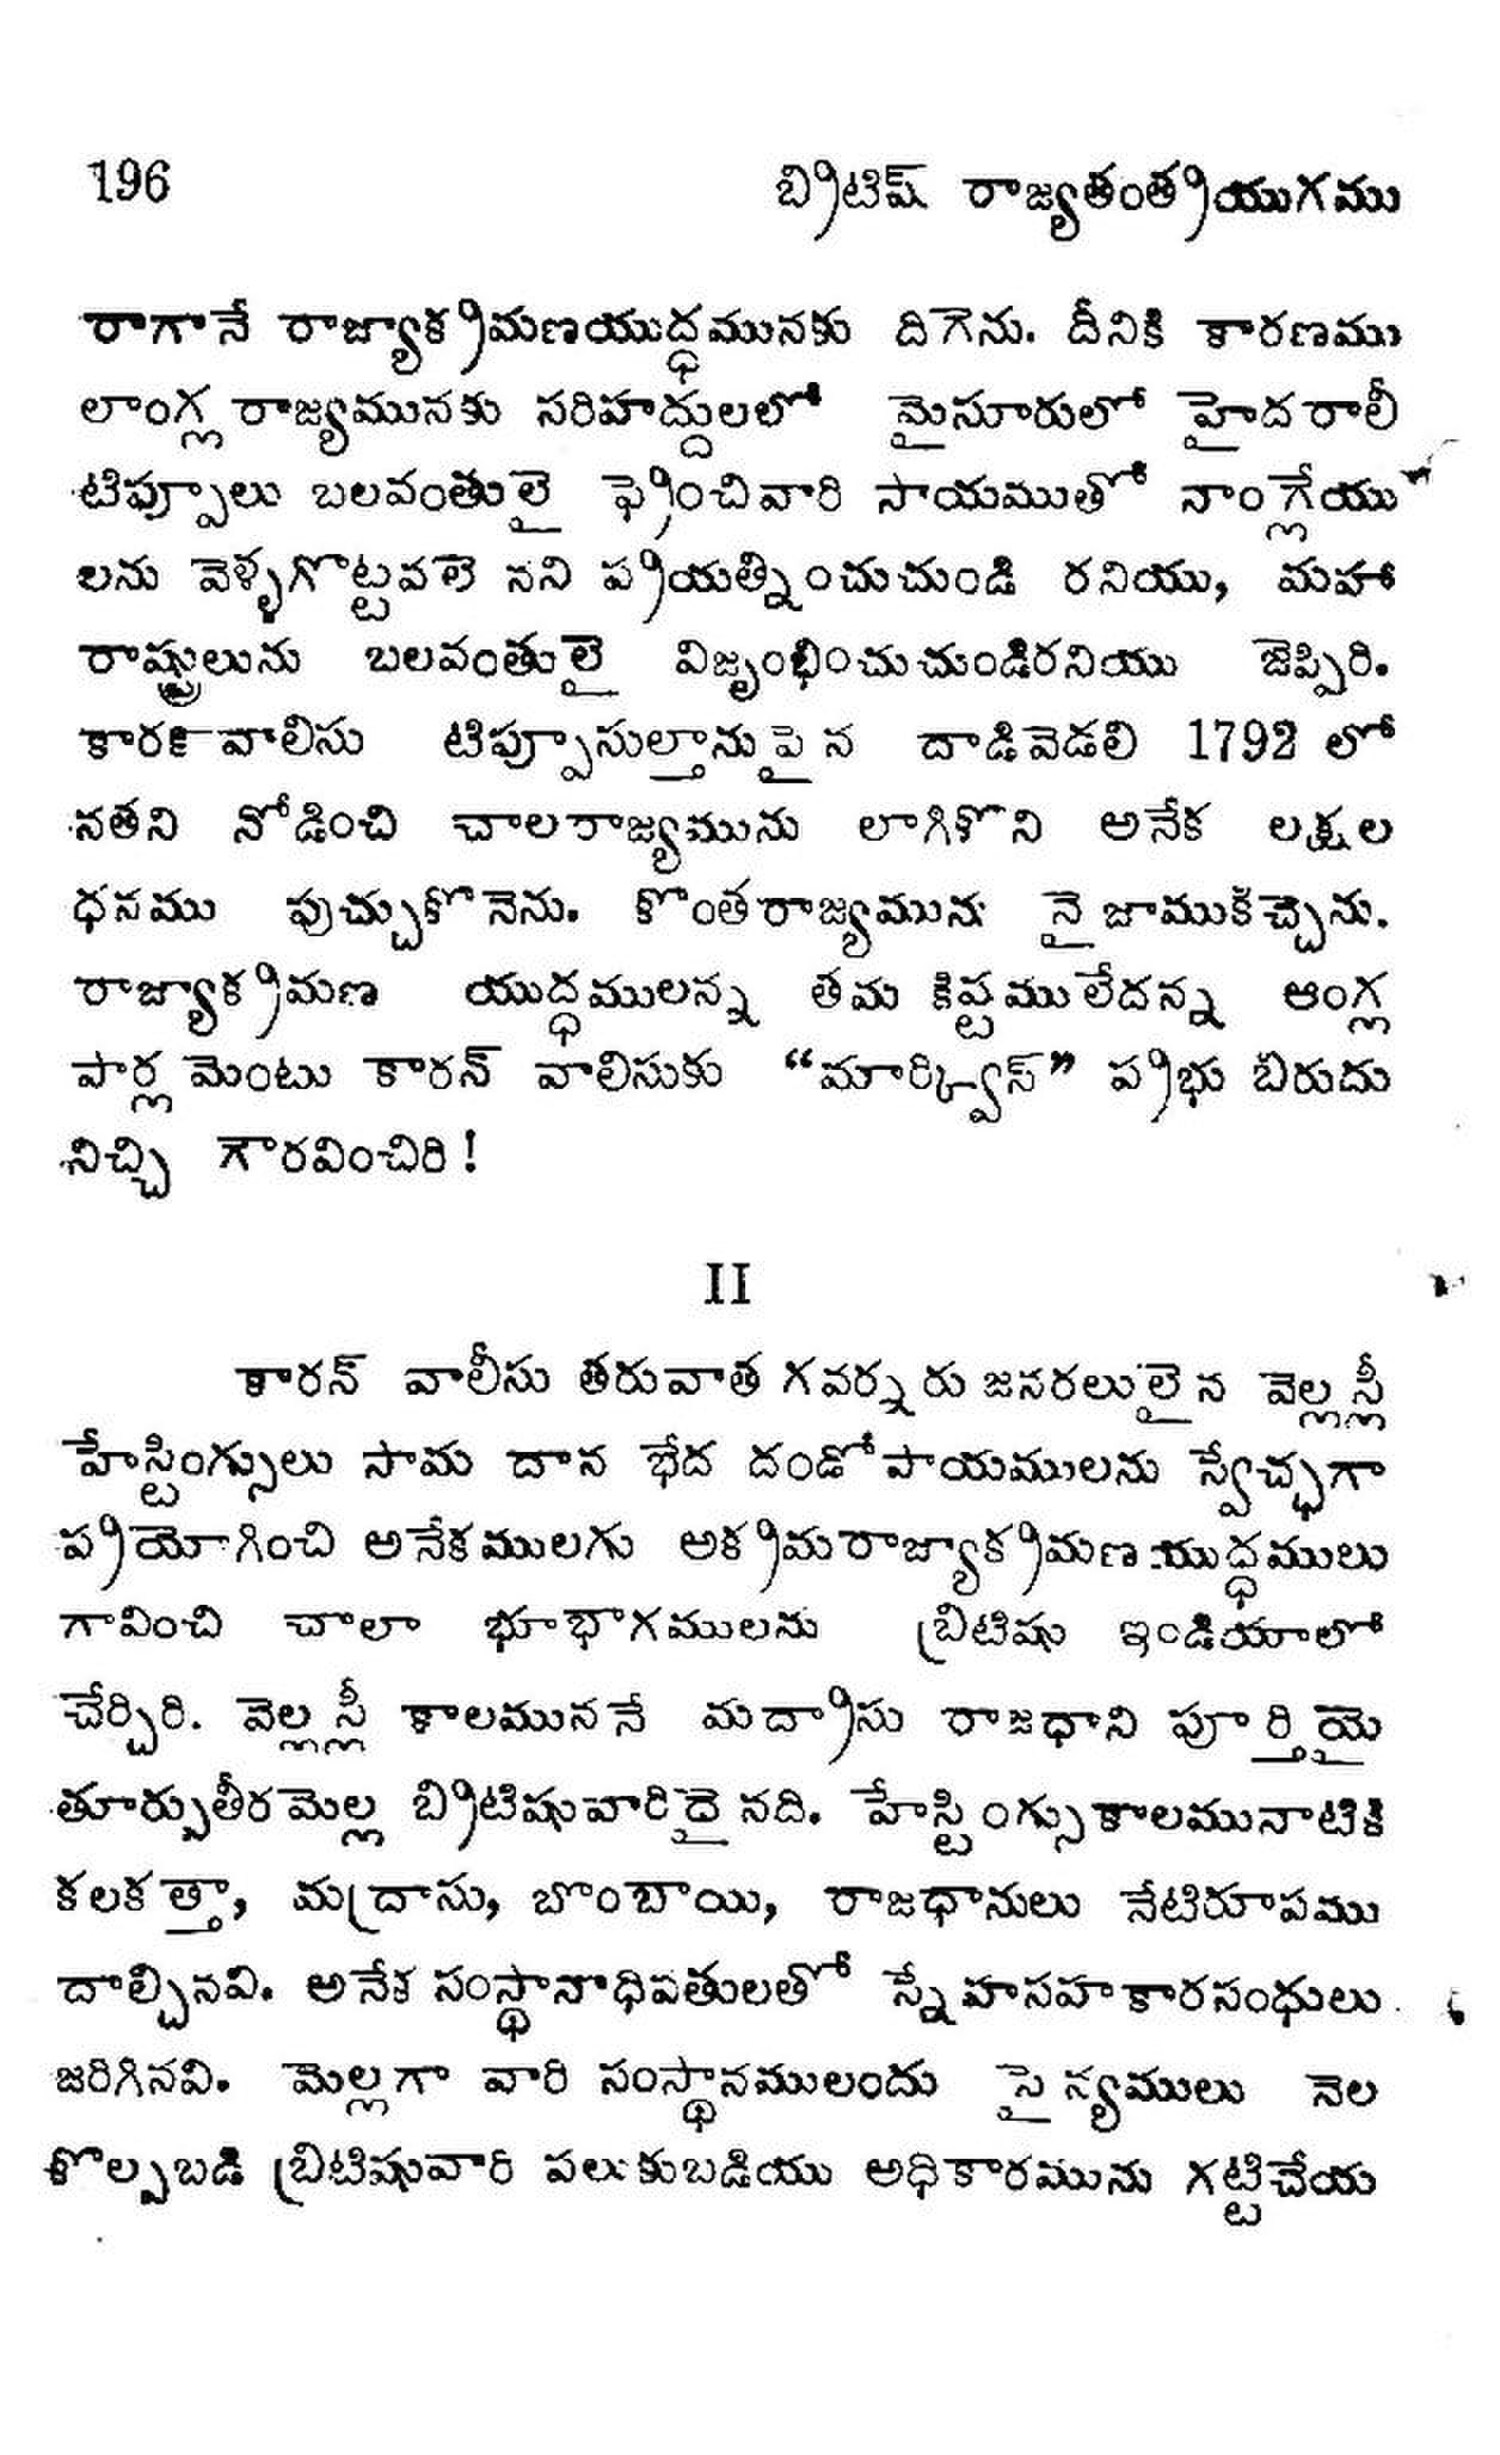రాగానే రాజ్యాక్రమణయుద్ధమునకు దిగెను. దీనికి కారణము లాంగ్ల రాజ్యమునకు సరిహద్దులలో మైసూరులో హైదరాలీ టిప్పూలు బలవంతులై ఫ్రెంచివారి సాయముతో నాంగ్లేయులను వెళ్ళగొట్టవలె నని ప్రయత్నించుచుండి రనియు, మహారాష్ట్రులును బలవంతులై విజృంభించుచుండిరనియు జెప్పిరి. కార౯వాలీసు టిప్పూసుల్తానుపైన దాడివెడలి 1799 లో నతని నోడించి చాలరాజ్యమును లాగికొని అనేక లక్షల ధనము పుచ్చుకొనెను. కొంతరాజ్యమును నైజాముకిచ్చెను. రాజ్యాక్రమణ యుద్ధములన్న తమ కిష్టములేదన్న ఆంగ్లపార్లమెంటు కారన్ వాలిసుకు "మార్క్విస్” ప్రభు బిరుదునిచ్చి గౌరవించిరి!

II 

కారన్ వాలీసు తరువాత గవర్నరు జనరలులైన వెల్లస్లీ హేస్టింగ్సులు సామ దాన భేద దండోపాయములను స్వేచ్చగా ప్రయోగించి అనేకములగు అక్రమరాజ్యాక్రమణయుద్ధములు గావించి చాలా భూభాగములను బ్రిటిషు ఇండియాలో చేర్చిరి. వెల్లస్లీ కాలముననే మద్రాసు రాజధాని పూర్తియై తూర్పుతీరమెల్ల బ్రిటిషువారిదైనది. హేస్టింగ్సు కాలమునాటికి కలకత్తా, మద్రాసు, బొంబాయి, రాజధానులు నేటిరూపము దాల్చినవి. అనేక సంస్థానాధిపతులతో స్నేహసహకారసంధులు జరిగినవి. మెల్లగా వారి సంస్థానములందు సైన్యములు నెలకొల్పబడి బ్రిటిషువారి పలుకుబడియు అధికారమును గట్టిచేయ